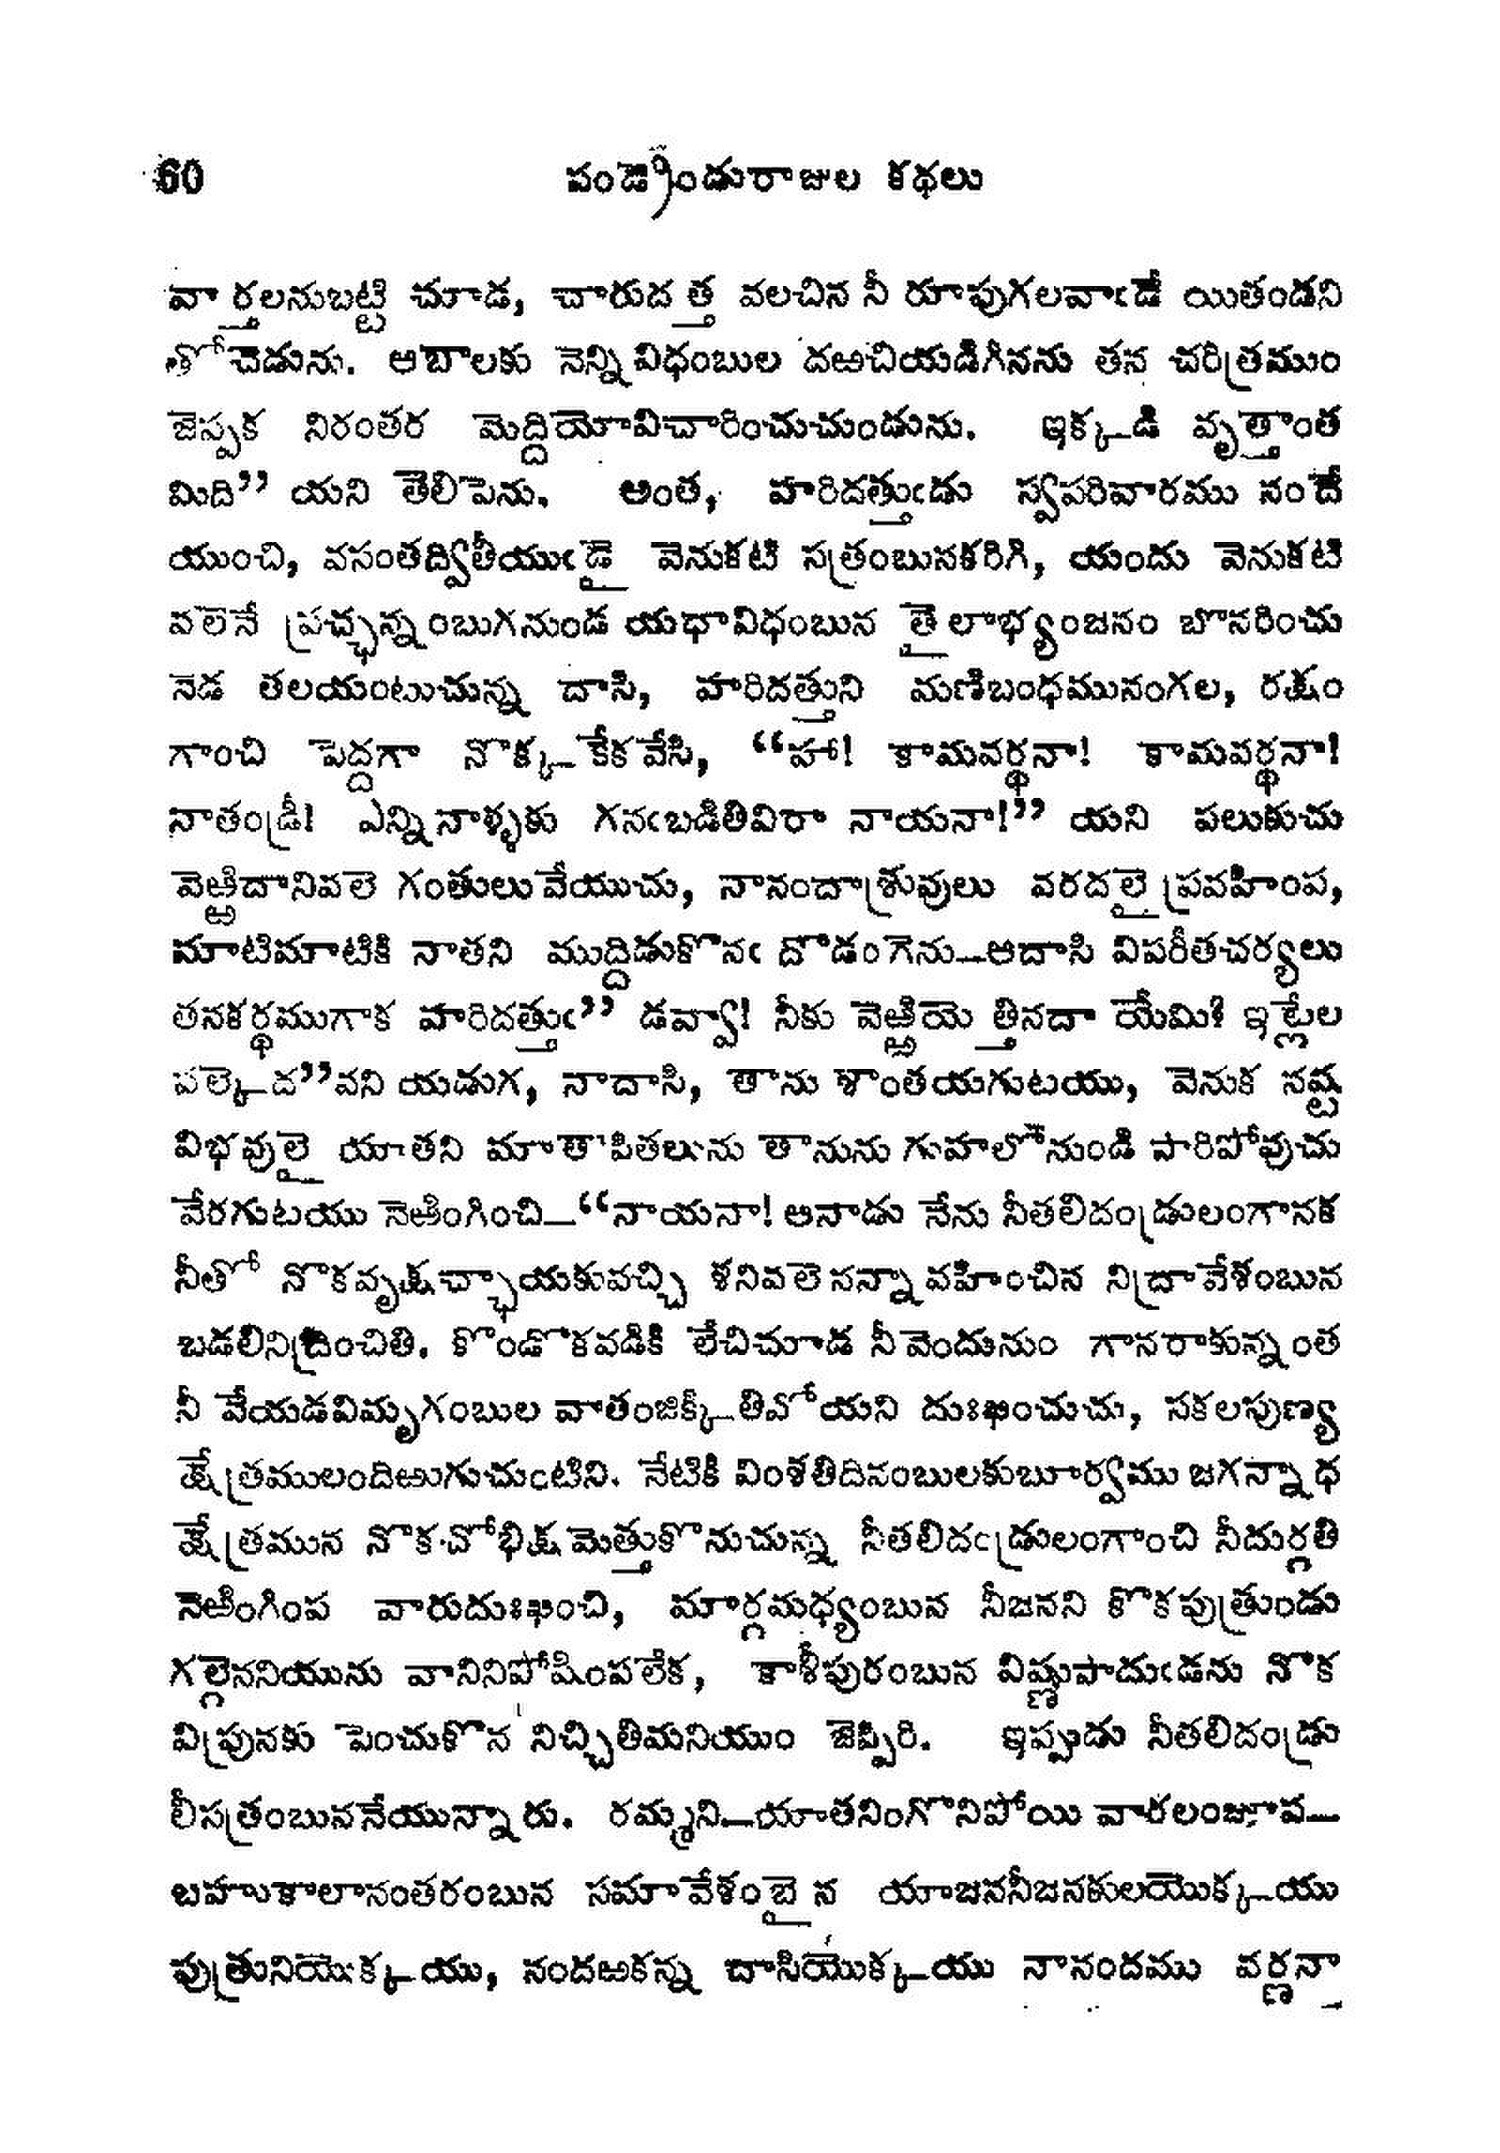వార్తలను బట్టి చూడ, చారుదత్త వలచిన నీ రూపుగలవాఁడే యితండని తోచెడును. ఆబాలకు నెన్ని విధంబుల దఱచి యడిగినను తన చరిత్రముం జెప్పక నిరంతర మెద్దియో విచారించుచుండును. ఇక్కడి వృత్తాంతమిది" యని తెలిపెను, అంత, హరిదత్తుఁడు స్వపరివారము నందే యుంచి, వసంతద్వితీయుఁడై వెనుకటి సత్రంబునకరిగి, యందు వెనుకటి వలెనే ప్రచ్ఛన్నంబుగ నుండ యధావిధంబున తైలాభ్యంజనం బొనరించు నెడ తలయంటుచున్న దాసి, హరిదత్తుని మణి బంధమునంగల, రక్షం గాంచి పెద్దగా నొక్క కేక వేసి, “హా! కామవర్థనా! కామవర్థనా! నాతండ్రీ! ఎన్ని నాళ్ళకు గనఁబడితివిరా నాయనా!" యని పలుకుచు వెఱ్ఱిదానివలె గంతులు వేయుచు, నానందాశ్రువులు వరదలై ప్రవహింప,
మాటిమాటికి నాతని ముద్దిడుకొనఁ దొడంగెను——ఆదాసి విపరీతచర్యలు తనకర్థముగాక హరిదత్తుఁ" డవ్వా! నీకు వెఱ్ఱియెత్తినదా యేమి? ఇట్లేల పల్కెద"వని యడుగ, నాదాసి, తాను శాంతయగుటయు, వెనుక నష్టవిభవులై యాతని మాతాపితలును తానును గుహలోనుండి పారిపోవుచు వేరగుటయు నెఱింగించి——"నాయనా! ఆనాడు నేను నీతలిదండ్రులంగానక నీతో నొక వృక్షచ్ఛాయకువచ్చి శనివలె నన్నావహించిన నిద్రావేశంబున బడలినిద్రించితి. కొండొకవడికి లేచి చూడ నీవెందునుం గానరాకున్నంత నీ వేయడవి మృగంబుల వాతంజిక్కి తివోయని దుఃఖించుచు, సకలపుణ్యక్షేత్రములం దిఱుగుచుంటిని. నేటికి వింశతిదినంబులకు బూర్వము జగన్నాధ క్షేత్రమున నొకచోభిక్ష మెత్తుకొనుచున్న నీతలిదఁడ్రులంగాంచి నీదుర్గతి
నెఱింగింప వారుదుఃఖించి, మార్గమధ్యంబున నీజనని కొక పుత్రుండు గల్లెననియును వానిని పోషింపలేక, కాళీపురంబున విష్ణు పాదుఁడను నొక విప్రునకు పెంచుకొన నిచ్చితిమనియుం జెప్పిరి. ఇప్పుడు నీతలిదండ్రులీసత్రంబుననే యున్నారు. రమ్మని——యాతనింగొనిపోయి వారలంజూప——బహుకాలానంతరంబున సమావేశంబైన యాజననీ జనకుల యొక్కయు పుత్రుని యొక్కయు, నందఱకన్న దాసియొక్కయు నానందము వర్ణనా